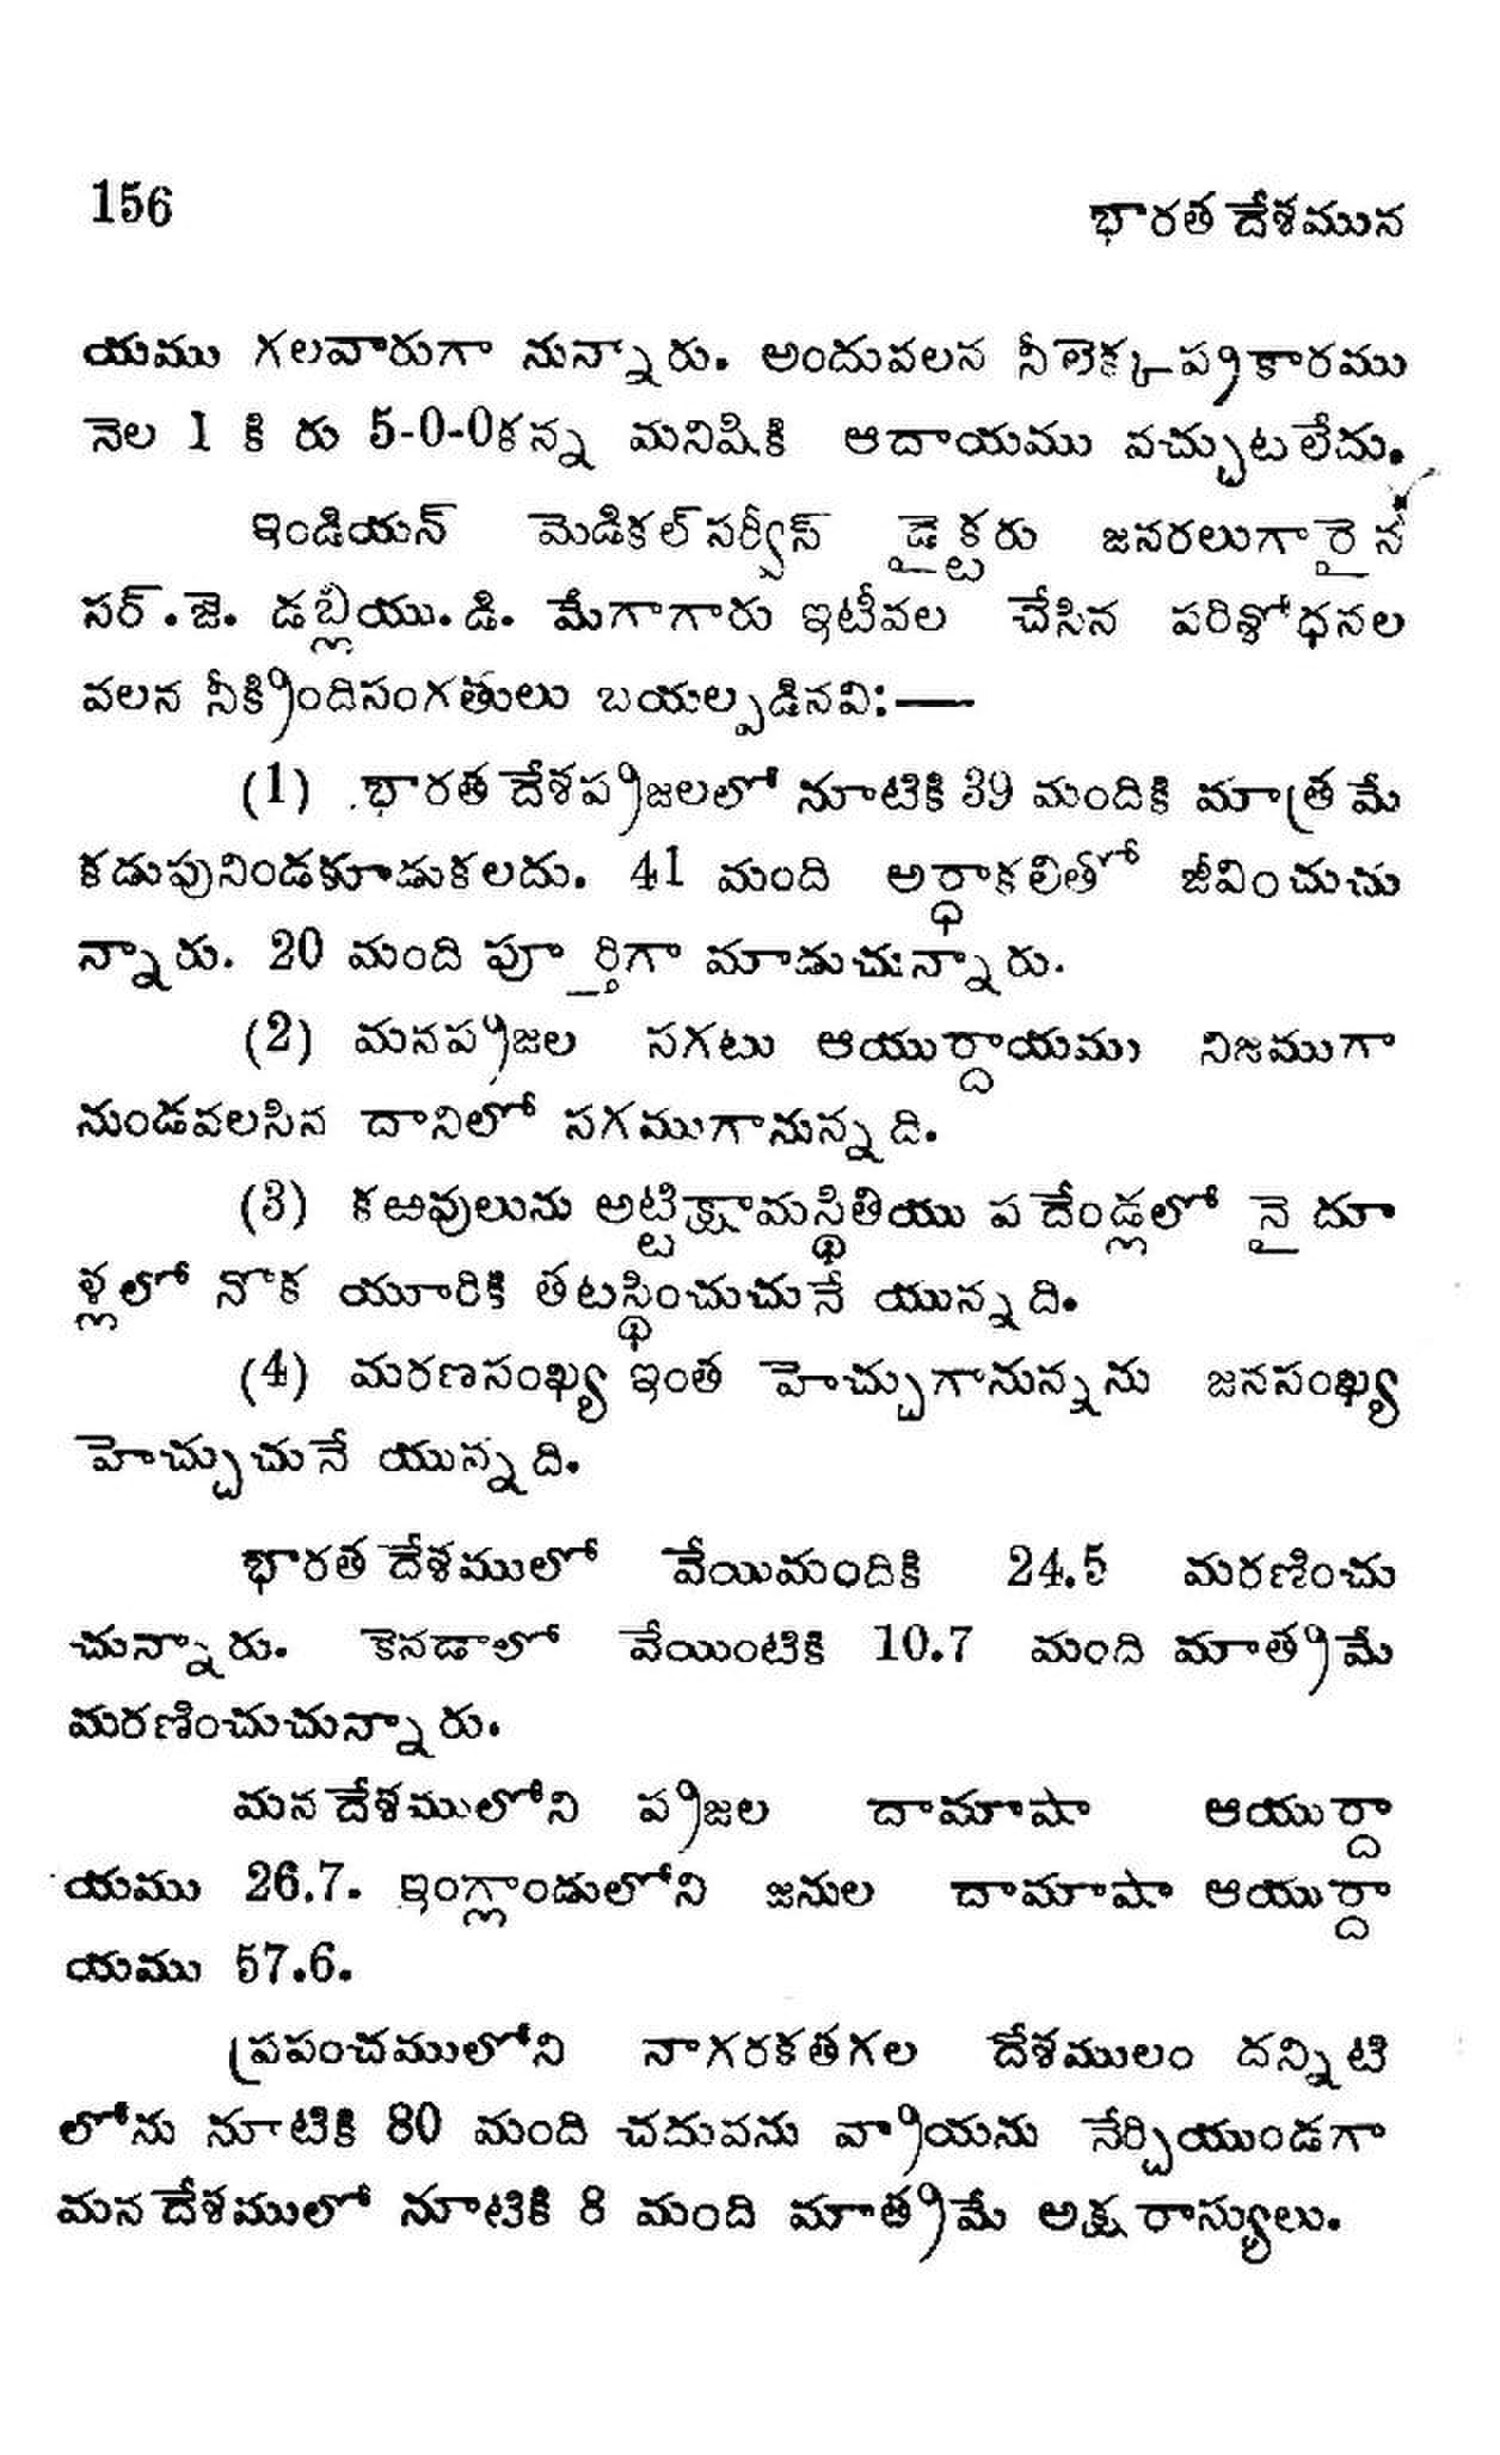యము గలవారుగా నున్నారు. అందువలన నీలెక్కప్రకారము నెల 1 కి రు 5-0-0 కన్న మనిషికి ఆదాయము వచ్చుటలేదు. 

ఇండియన్ మెడికల్ సర్వీస్ డైరెక్టరు జనరలుగారైన సర్. జె. డబ్లీయు. డి. మేగాగారు ఇటీవల చేసిన పరిశోధనల వలన నీక్రిందిసంగతులు బయల్పడినవి:-

(1) భారతదేశప్రజలలో నూటికి 39 మందికి మాత్రమే కడుపునిండకూడుకలదు. 41 మంది అర్ధాకలితో జీవించుచున్నారు. 20 మంది పూర్తిగా మాడుచున్నారు. 

(2) మనప్రజల సగటు ఆయుర్దాయము నిజముగా నుండవలసిన దానిలో సగముగానున్న ది.

(3) కఱవులును అట్టిక్షామస్థితియు పదేండ్లలో నైదూళ్లలో నొక యూరికి తటస్థించుచునే యున్నది.

(4) మరణసంఖ్య ఇంత హెచ్చుగానున్నను జనసంఖ్య హెచ్చుచునే యున్నది.

భారతదేశములో వేయిమందికి 24.5 మరణించుచున్నారు. కెనడాలో వేయింటికి 10.7 మంది మాత్రమే మరణించుచున్నారు..

మనదేశములోని ప్రజల దామాషా ఆయుర్దా యము 26.7. ఇంగ్లాండులోని జనుల దామాషా ఆయుర్దాయము 57.6.

ప్రపంచములోని నాగరకతగల దేశములం దన్నిటిలోను నూటికి 80 మంది చదువను వ్రాయను నేర్చియుండగా మనదేశములో నూటికి 8 మంది మాత్రమే అక్ష రాస్యులు.